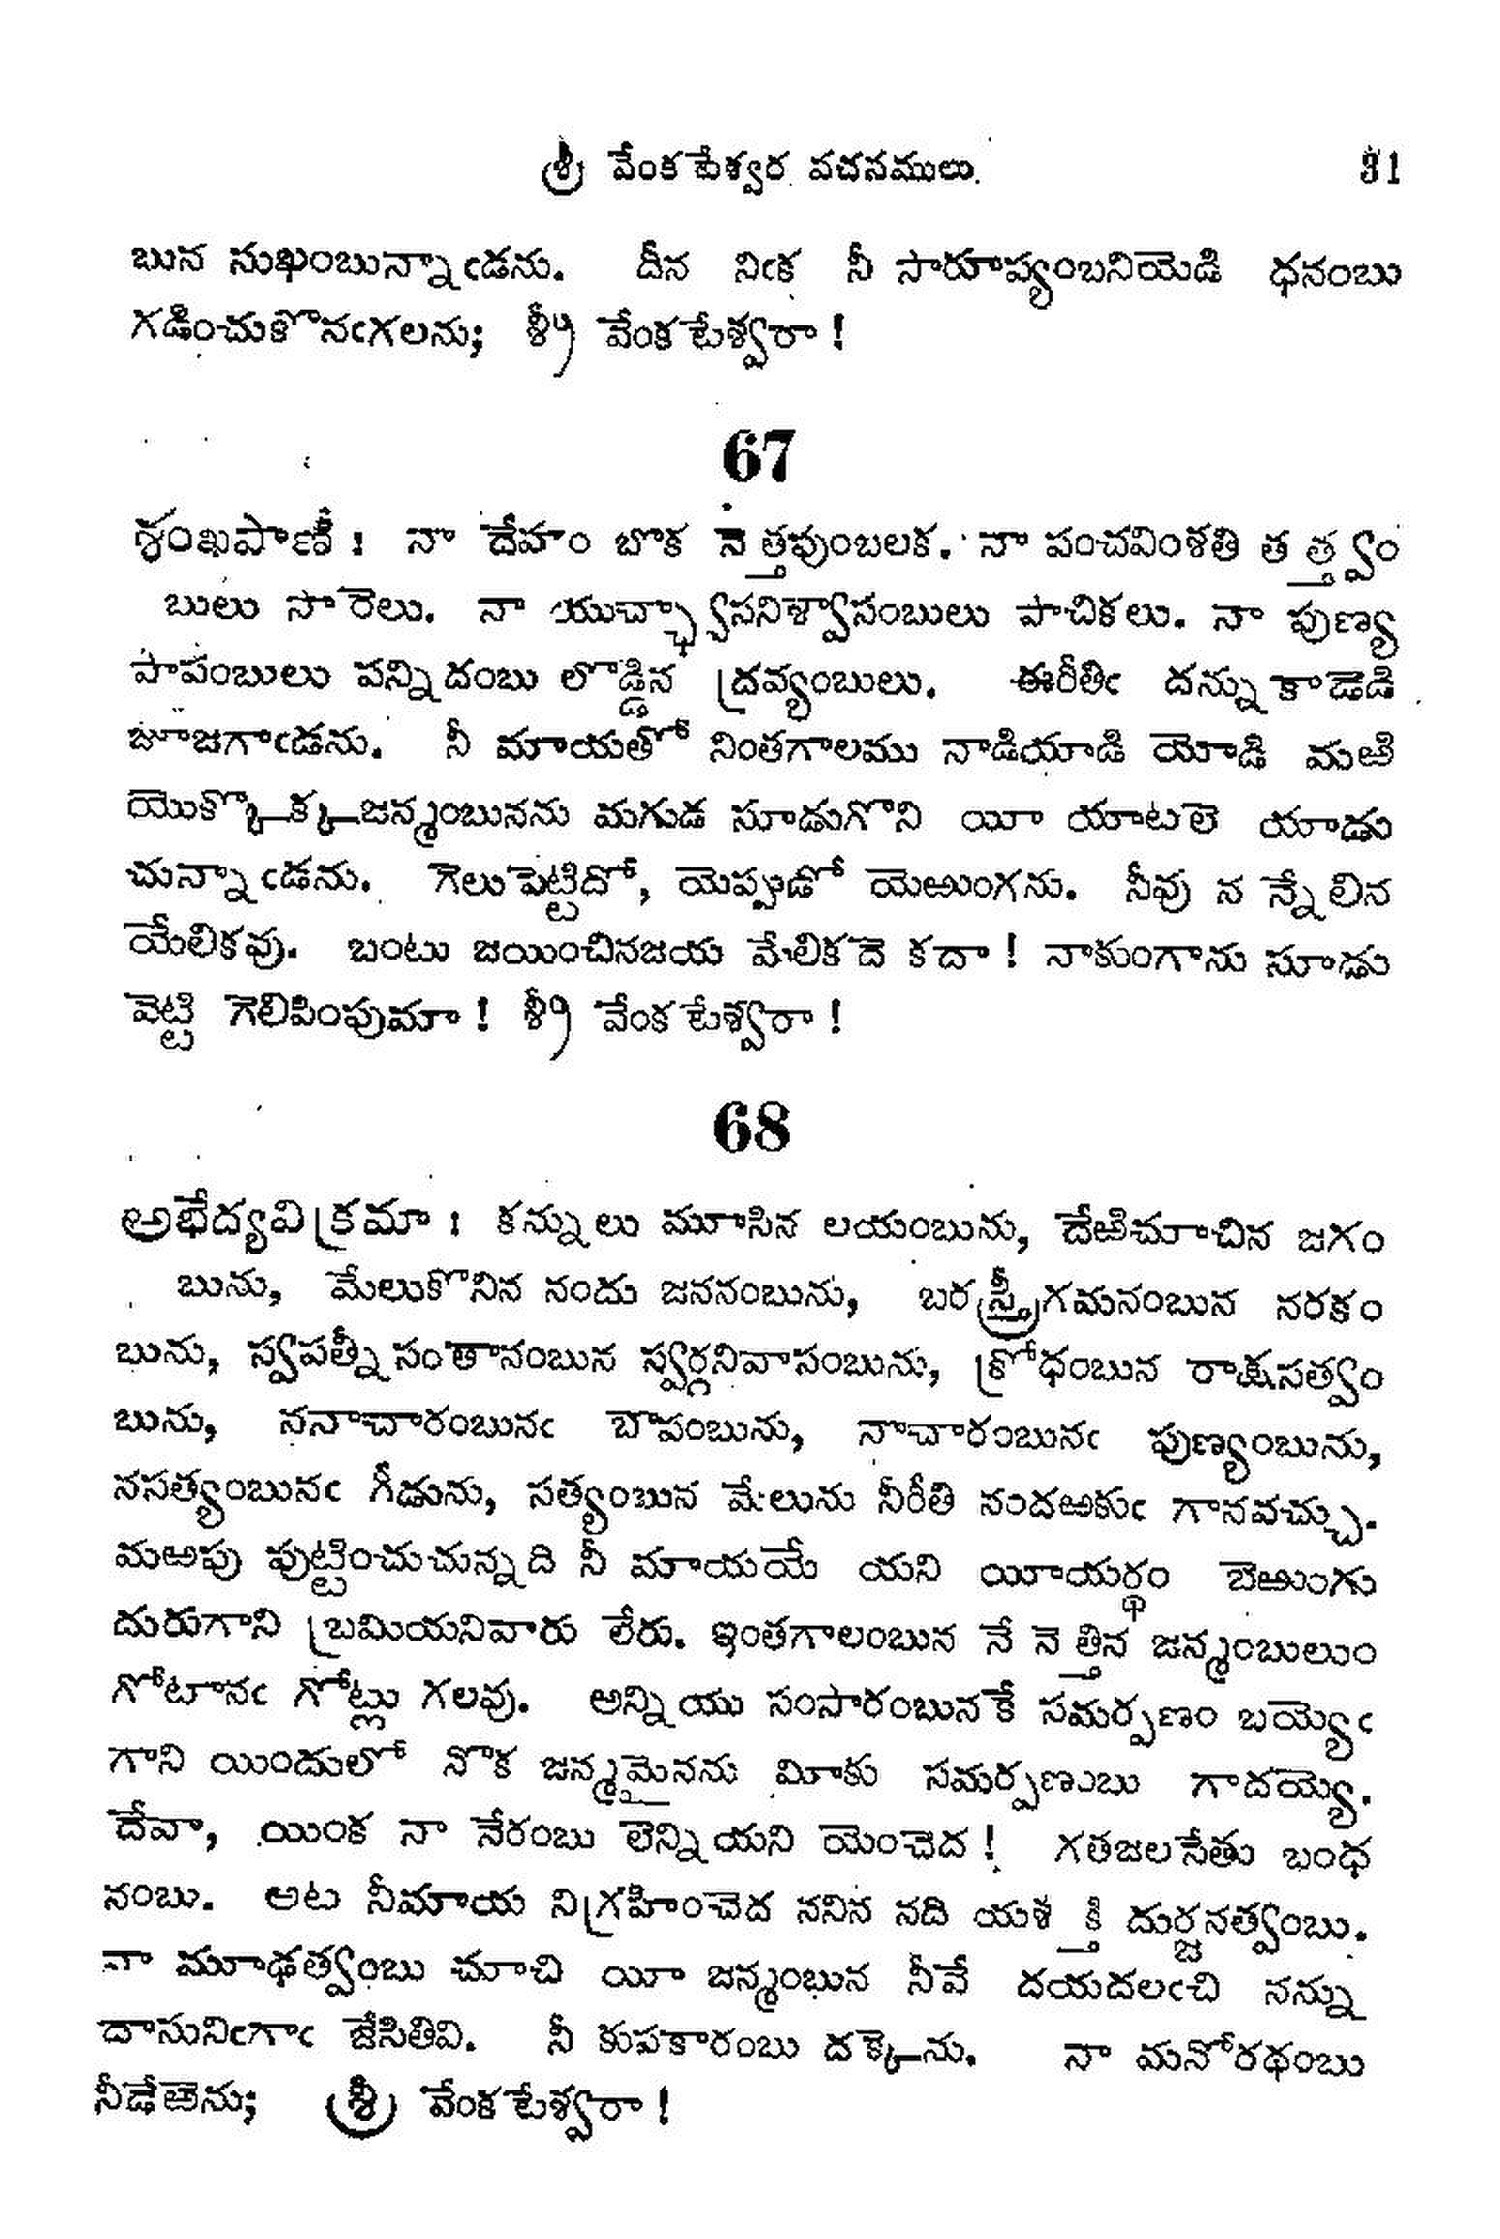బున సుఖంబున్నాఁడను. దీన నిఁక నీ సారూప్యంబనియెడి ధనంబు గడించుకొనఁగలను; శ్రీ వేంకటేశ్వరా !

67

 ! నా దేహం బొక నెత్తవుంబలక. నా పంచవింశతి తత్వంబులు సారెలు. నా యుచ్చ్వాసనిశ్వాసంబులు పాచికలు. నా పుణ్య పాపంబులు పన్నిదంబు లొడ్డిన ద్రవ్యంబులు. ఈరీతిఁ దన్ను కాడెడి,జూజగాఁడను. నీ మాయతో నింతగాలము నాడియాడి యోడి మఱి యొక్కొక్క జన్మంబునను మగుడ సూడుగొని యీ యాటలె యాడు చున్నాఁడను. గెలుపెట్టిదో, యెప్పుడో యెఱుంగను. నీవు నన్నేలిన యేలికవు. బంటు జయించినజయ మేలికదె కదా ! నాకుంగాను సూడు వెట్టి గెలిపింపుమా ! శ్రీ వేంక టేశ్వరా !

68

 ! కన్నులు మూసిన లయంబును, దేఱిచూచిన జగం బును, మేలుకొనిన నందు జననంబును, బరస్త్రీగమనంబున నరకంబును, స్వపత్నీ సంతానంబున స్వర్గనివాసంబును, క్రోధంబున 'రాక్షసత్వంబును, ననాచారంబునఁ బాపంబును, నాచారంబున పుణ్యంబును, నసత్యంబునఁ గీడును, సత్యంబున మేలును నీరీతి నందఱకుఁ గానవచ్చు. మఱపు పుట్టించుచున్నది నీ మాయయే యని యీయర్దం బెఱుంగుదురుగాని బ్రమియనివారు లేరు. ఇంతగాలంబున నే నెత్తిన జన్మంబులుం గోటానఁ గోట్లు గలవు. అన్నియు సంసారంబునకే సమర్పణం బయ్యెం గాని యిందులో నొక జన్మమైనను మీకు సమర్పణంబు గాదయ్యె. దేవా, యింక నా నేరంబు లెన్ని యని యెంచెద ! గతజల సేతు బంధనంబు. అట నీమాయ నిగ్రహించెద ననిన నది యశ క్తి దుర్జనత్వంబు. నా మూఢత్వంబు చూచి యీ జన్మంబున నీవే దయదలఁచి నన్ను దాసునిగాఁ జేసితివి. నీ కుపకారంబు దక్కెను. నా మనోరథంబు నీడేఱెను; శ్రీ వేంకటేశ్వరా !